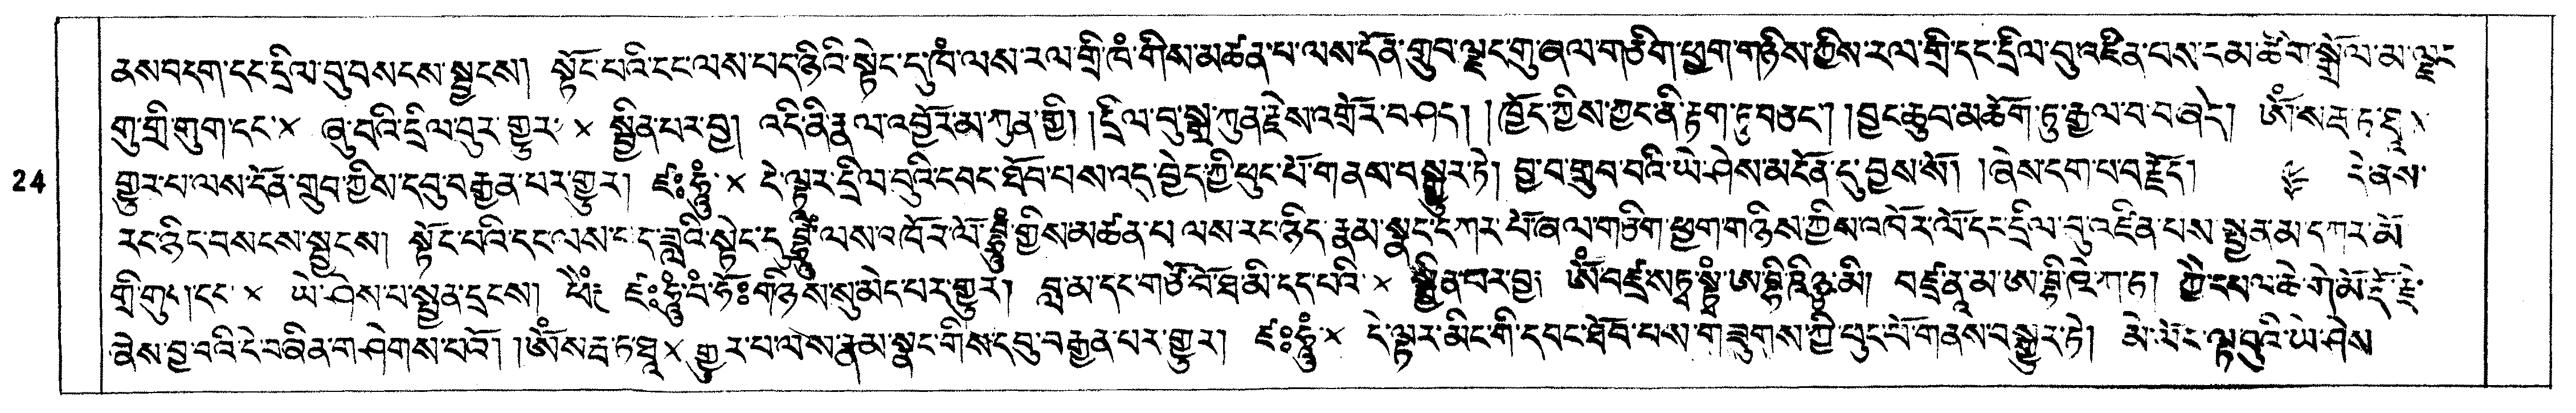ནས་བདག་དང་དྲིལ་བུ་བསངས་སྦྱངས། སྟོང་པའི་ངང་ལས་པད་ཉིའི་སྟེང་དུ་ཁཾ་ལས་རལ་གྲི་ཁཾ་གིས་མཚན་པ་ལས་དོན་གྲུབ་ལྗང་གུ་ཞལ་གཅིག་ཕྱག་གཉིས་ཀྱིས་རལ་གྲི་དང་དྲིལ་བུ་འཛིན་པས་དམ་ཚིག་སྒྲོལ་མ་ལྗང་
གུ་གྲི་གུག་དང་྾་ཞུ་བའི་དྲིལ་བུར་གྱུར་྾་སྦྱིན་པར་བྱ། འདི་ནི་རྣལ་འབྱོར་མ་ཀུན་གྱི། །དྲིལ་བུ་སྒྲ་ཀུན་རྗེས་འགྲོར་བཤད། །ཁྱོད་ཀྱིས་ཀྱང་ནི་རྟག་ཏུ་བཅང་། །བྱང་ཆུབ་མཆོག་ཏུ་རྒྱལ་བ་བཞེད། ཨོཾ་སརྦ་ཏ་ཐཱ་྾་
གྱུར་པ་ལས་དོན་གྲུབ་ཀྱིས་དབུ་བརྒྱན་པར་གྱུར། ཛཿ ཧཱུཾ་྾་དེ་ལྟར་དྲིལ་བུའི་དབང་ཐོབ་པས་འདུ་བྱེད་ཀྱི་ཕུང་པོ་གནས་བསྒྱུར་ཏེ། བྱ་བ་གྲུབ་བའི་ཡེ་ཤེས་མངོན་དུ་བྱས་སོ། །ཞེས་དག་པ་བརྗོད། ༈ དེ་ནས་
རང་ཉིད་བསངས་སྦྱངས། སྟོང་པའི་དང་ལས་པད་ཟླའི་སྟེང་དུ་བྷཱཾ་ལས་འཁོར་ལོ་བྷཱུཾ་གྱིས་མཚན་པ་ལས་རང་ཉིད་རྣམ་སྣང་དཀར་པོ་ཞལ་གཅིག་ཕྱག་གཉིས་ཀྱིས་འཁོར་ལོ་དང་དྲིལ་བུ་འཛིན་པས་སྤྱན་མ་དཀར་མོ་
གྲི་གུག་དང་྾་ཡེ་ཤེས་པ་སྤྱན་དྲངས། ཕཻཾ༑ ཛཿ ཧཱུཾ་བཾ་ཧོཿ གཉིས་སུ་མེད་པར་གྱུར། བླ་མ་དང་གཙོ་བོ་ཐ་མི་དད་པའི་྾་སྤྱིན་པར་བྱ༑ ཨོཾ་བཛྲ་སཏྭ་སྟྭཾ་ཨ་བྷི་ཥཱི་ཉྩ་མི། བཛྲ་ནཱ་མ་ཨ་བྷི་ཥེ་ཀ་ཏ། ཀྱཻ་དཔལ་ཚེ་གེ་མོ་རྡོ་རྗེ་
ཞེས་བྱ་བའི་དེ་བཞིན་གཤེགས་པའོ། །ཨོཾ་སརྦ་ཏ་ཐཱ་྾་གྱུར་པ་ལས་རྣམ་སྣང་གིས་དབུ་བརྒྱན་པར་གྱུར། ཛཿ ཧཱུཾ་྾་དེ་ལྟར་མིང་གི་དབང་ཐོབ་པས་གཟུགས་ཀྱི་ཕུང་པོ་གནས་བསྒྱུར་ཏེ། མེ་ལོང་ལྟ་བུའི་ཡེ་ཤེས་